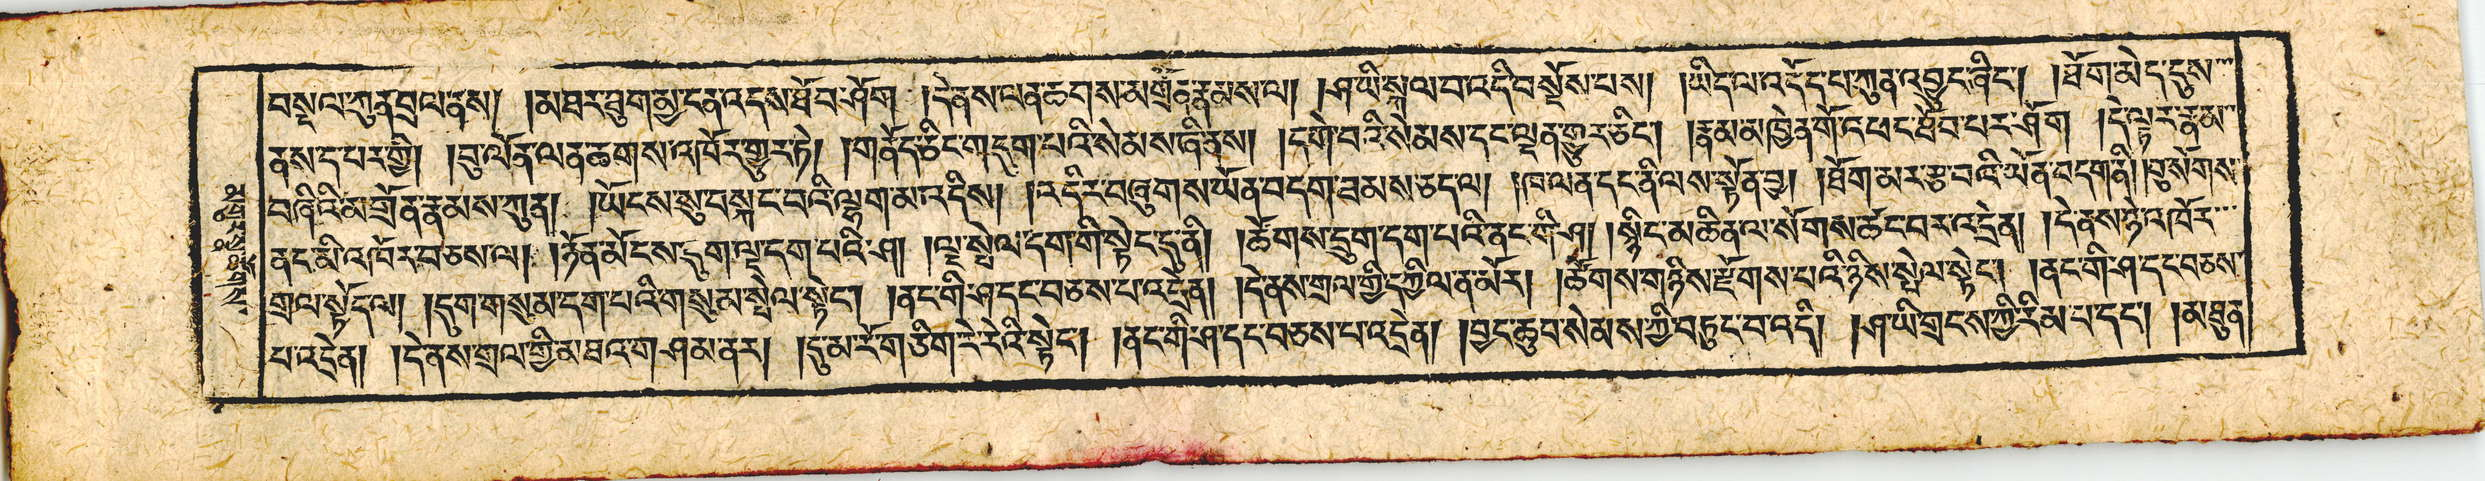བསྔལ་ཀུན་བྲལ་ནས། །མཐར་ཐུག་མྱ་ངན་འདས་ཐོབ་ཤོག །དེནས་ལན་ཆགས་མགྲོན་རྣམས་ལ། །ཤ་ལི་སྐལ་བ་འདི་བསྔོས་པས། །ཡིད་ལ་འདོད་པ་ཀུན་འབྱུང་ཞིང་། །ཐོག་མེད་དུས་
ནས་ད་བར་གྱི། །བུ་ལོན་ལན་ཆགས་འཁོར་གྱུར་ཏེ། །གནོད་ཅིང་གདུག་པའི་སེམས་ཞི་ནས། །དགེ་བའི་སེམས་དང་ལྡན་གྱུར་ཅིང་། །རྣམ་མཁྱེན་གོ་དཕང་ཐོབ་པར་ཤོག །དེ་ལྟར་རྣམ་
བཞིའི་མགྲོན་རྣམས་ཀུན། །ཡོངས་སུ་བསྐང་བའི་ལྷག་མ་འདིས། །འདིར་བཞུགས་ཡོན་བདག་ཐམས་ཅད་ལ། །ཁ་ལན་དང་ནི་ལས་སྟོན་བྱ། །ཐོག་མར་རྩ་བའི་ཡོན་བདག་ནི། །བུ་སོགས་
ནང་མི་འཁོར་བཅས་ལ། །ཉོན་མོངས་དུག་ལྔ་དག་པའི་ཤ། །ལྔ་སྤེལ་དག་གི་སྟེང་དུ་ནི། །ཚོགས་དྲུག་དག་པའི་ནང་གི་ཤ། །སྙིང་མཆིན་ལ་སོགས་ཚང་བར་འདྲེན། །དེ་ནས་ཉེ་འཁོར་
གྲལ་སྟོད་ལ། །དུག་གསུམ་དག་པའི་གསུམ་སྤེལ་སྟེང་། །ནང་གི་ཤ་དང་བཅས་པ་འདྲེན། །དེ་ནས་གྲལ་གྱི་དཀྱིལ་ན་མོར། །ཚོགས་གཉིས་རྫོགས་པའི་ཉིས་སྤེལ་སྟེང་། །ནང་གི་ཤ་དང་བཅས་
པ་འདྲེན། །དེ་ནས་གྲལ་གྱི་མཐའ་གཤམ་ནར། །དུ་མ་རོ་གཅིག་རེ་རེའི་སྟེང་། །ནང་གི་ཤ་དང་བཅས་པ་འདྲེན། །བྱང་ཆུབ་སེམས་ཀྱི་བཏུང་བ་འདི། །ཤ་ཡི་གྲངས་ཀྱི་རིམ་པ་དང་། །མཐུན་